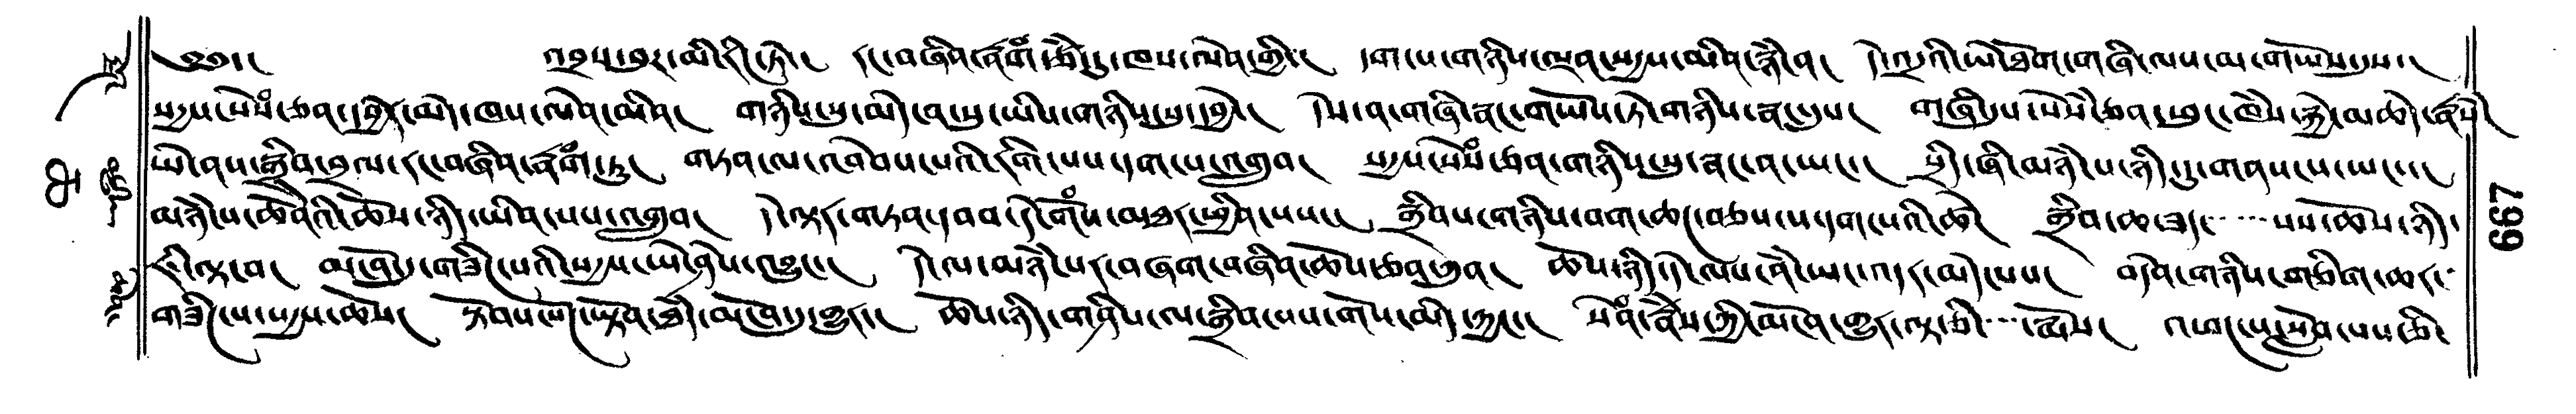འབྲས་བུར་མི་རིགས་ཏེ། །རང་བཞིན་རྣམ་དག་ཙམ་དུ་ཁས་ལེན་གྱི། །དག་པ་གཉིས་ལྡན་སངས་རྒྱས་མིན་སྙམ་ན། །དེ་འདྲའི་ཡེ་ཐོག་གཞི་ལས་མ་གཡོས་དུས། །
སངས་རྒྱས་སེམས་ཅན་དབྱེར་མེད་ཁས་ལེན་མིན། །གཉིས་སུ་མེད་ན་སུ་ཡིས་གཉིས་སུ་དབྱེ། །དེས་ན་གཞི་སྣང་གཡོས་ཏེ་གཉིས་སྣང་དུས། །གཞི་དུས་སེམས་ཅན་ཕུང་ཁམས་སྐྱེ་མཆེད་རྣམས། །
ཡེ་ནས་སྒྲིབ་བྲལ་རང་བཞིན་རྣམ་དག་ཏུ། །གཏན་ལ་འབེབས་པའི་རིགས་པས་དག་པ་འགྲུབ། །སངས་རྒྱས་སེམས་ཅན་གཉིས་སུ་སྣང་ན་ཡང་། །སྲིད་ཞི་མཉམ་པ་ཉིད་དུ་གནས་པ་ཡང་། །
མཉམ་པ་ཆེན་པོའི་ཆོས་ཉིད་ཡིན་པས་འགྲུབ། །དེ་ལྟར་གཏན་དབབ་དེ་གོམས་མཐར་ཕྱིན་པས། །སྒྲིབ་གཉིས་བག་ཆགས་བཅས་པ་དག་པའི་ཚེ། །སྒྲིབ་ཆ་ཟད་པས་ཆོས་ཉིད་
ཇི་ལྟ་བ། །མངོན་དུ་གཟིགས་པའི་སངས་རྒྱས་ཡེ་ཤེས་འབྱུང་། །དེ་ལ་མཉམ་པར་བཞག་བཞིན་ཆོས་ཅན་ཀུན། །ཆོས་ཉིད་དེ་ལས་ནམ་ཡང་འདར་མེད་པས། །བདེན་གཉིས་གཅིག་ཆར་
གཟིགས་པ་སངས་རྒྱས་ཆོས། །སྟོབས་སོགས་ཡོན་ཏན་ཐམས་ཅད་མངོན་དུ་གྱུར། །ཆོས་ཉིད་གཤིས་ལ་སྒྲིབ་པས་གོས་མེད་ཀྱང་། །སེམས་ཅན་རྣམས་ཀྱི་མངོན་གྱུར་ལྟ་ཅི་སྨོས། །འཕགས་པ་སློབ་པས་ཅི་